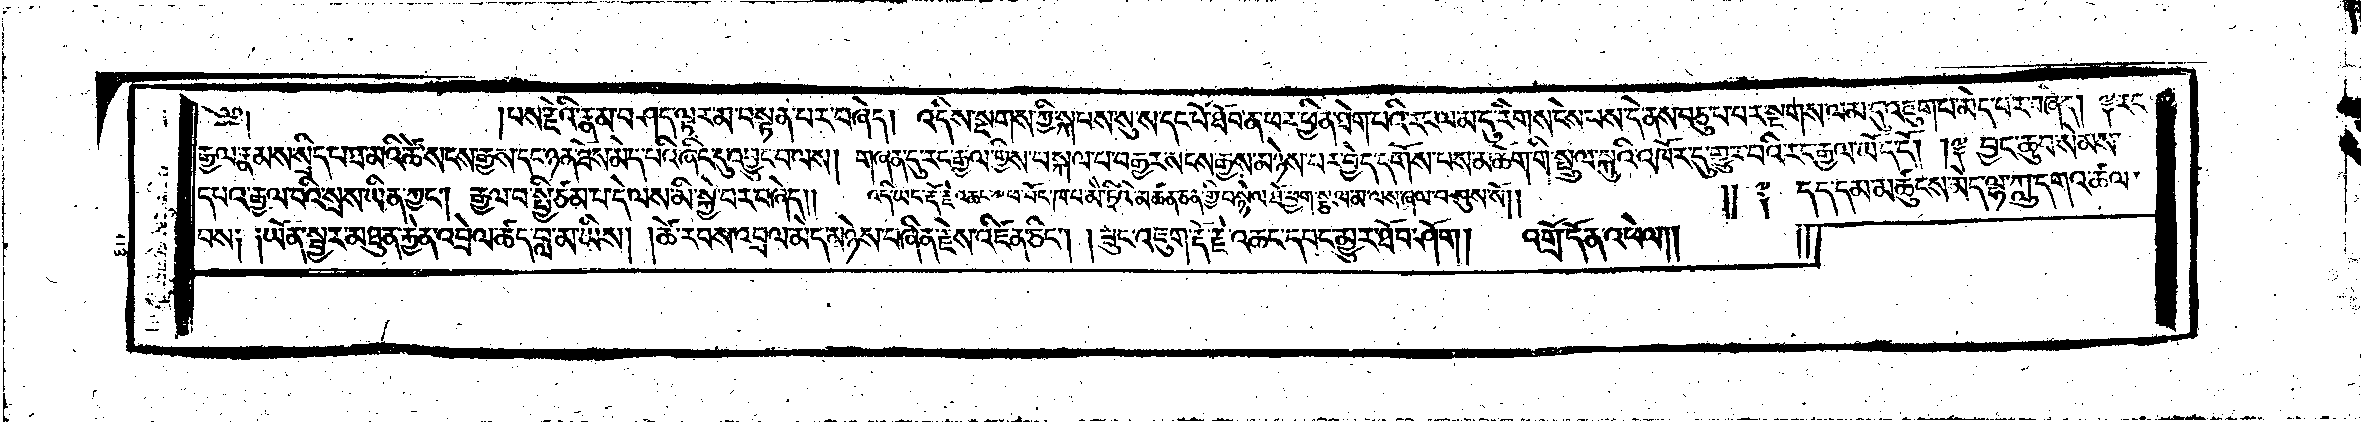༄༅། །པས་རྗེའི་རྣམ་བཤད་ལྟར་མ་བསྟན་པར་བཞེད། འདིས་སྔགས་ཀྱི་སྐབས་སུ་ས་དང་པོ་ཐོབ་ན་ཕར་ཕྱིན་ཐེག་པའི་རང་ལམ་དུ་རིགས་ངེས་པས་དེ་ནས་བཅུ་པ་པར་སྔགས་ལམ་དུ་འཇུག་པ་མེད་པར་བཞེད། ༈ རང་
རྒྱལ་རྣམས་སྲིད་པ་ཐ་མའི་ཚེ་སངས་རྒྱས་དང་ཉན་ཐོས་མེད་པའི་ཞིང་དུ་འབྱུང་བ་ལས། གཞན་དུ་རང་རྒྱལ་གྱིས་བསྐལ་པ་བརྒྱར་སངས་རྒྱས་མཉེས་པར་བྱེད་དགོས་པས་མཆོག་གི་སྤྲུལ་སྐུའི་འཁོར་དུ་གྱུར་པའི་རང་རྒྱལ་ཡོད་དོ། །༈ བྱང་ཆུབ་སེམས་
དཔའ་རྒྱལ་བའི་སྲས་ཡིན་ཀྱང་། རྒྱལ་བ་སྤྱི་ཙམ་པ་དེ་ལས་མི་སྐྱེ་བར་བཞེད།། འདི་ཡང་རྡོ་རྗེ་འཆང ༧་ཕ་བོང་ཁ་པ་མཻ་ཏྭིའི་མཚན་ཅན་གྱི་བསྙེལ་ཐོ་ཕྱག་སྩལ་མ་ལས་ཞལ་བཤུས་སོ།།  །། ༈ དད་དམ་མཚུངས་མེད་ལྷ་ཀླུ་དགའ་ཚལ་
བས༑ ༑ཡོན་སྦྱར་མཐུན་རྐྱེན་འབྲེལ་ཚད་བླ་མ་ཡིས། །ཚེ་རབས་འབྲལ་མེད་མཉེས་བཞིན་རྗེས་འཛིན་ཅིང་། །ཟུང་འཇུག་རྡོ་རྗེ་འཆང་དབང་མྱུར་ཐོབ་ཤོག། འགྲོ་དོན་འཕེལ།། །།